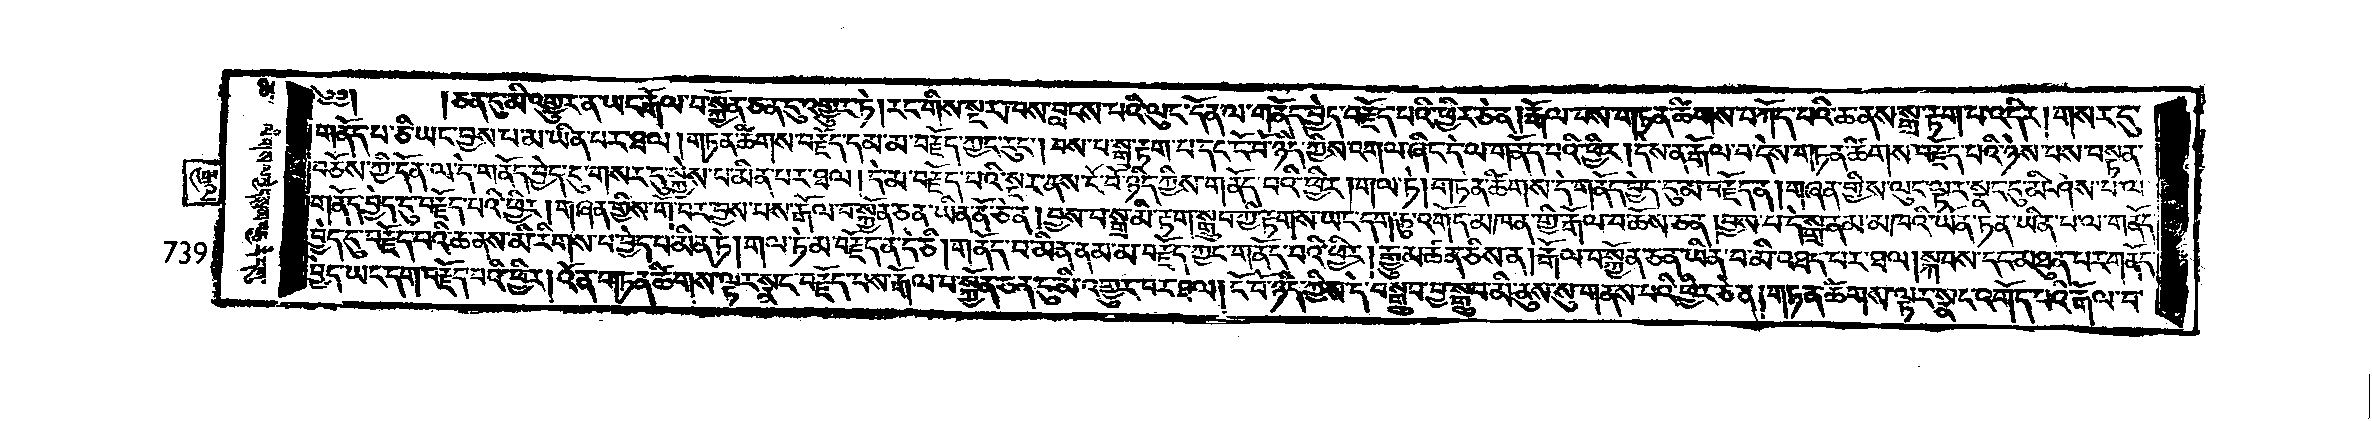༄༅། །ཅན་དུ་མི་འགྱུར་ན་ཡང་རྒོལ་བ་སྐྱོན་ཅན་དུ་འགྱུར་ཏེ། རང་གིས་སྔར་ཁས་བླངས་པའི་ལུང་དོན་ལ་གནོད་བྱེད་བརྗོད་པའི་ཕྱིར་ཅེ་ན། རྒོལ་བས་གཏན་ཚིགས་བཀོད་པའི་ཆ་ནས་སྒྲ་རྟག་པ་འདིར། གསར་དུ་
གནོད་པ་ཅི་ཡང་བྱས་པ་མ་ཡིན་པར་ཐལ། གཏན་ཚིགས་བརྗོད་དམ་མ་བརྗོད་ཀྱང་རུང་། བྱས་པ་སྒྲ་རྟག་པ་དང་ངོ་བོ་ཉིད་ཀྱིས་འགལ་ཞིང་དེ་ལ་གནོད་པའི་ཕྱིར། དེས་ན་རྒོལ་བ་དེས་གཏན་ཚིགས་བརྗོད་པའི་ཉེས་པས་བསྟན་
བཅོས་ཀྱི་དོན་ལ་དེ་གནོད་བྱེད་དུ་གསར་དུ་སྐྱེས་པ་མིན་པར་ཐལ། དེ་མ་བརྗོད་པའི་སྔར་ནས་ངོ་བོ་ཉིད་ཀྱིས་གནོད་པའི་ཕྱིར། གལ་ཏེ། གཏན་ཚིགས་དེ་གནོད་བྱེད་དུ་མ་བརྗོད་ན། གཞན་གྱིས་ལུང་ལྟར་སྣང་དུ་མི་ཤེས་པ་ལ་
གནོད་བྱེད་དུ་བརྗོད་པའི་ཕྱིར། གཞན་གྱིས་གོ་བར་བྱས་པས་རྒོལ་བ་སྐྱོན་ཅན་ཡིན་ནོ་ཅེ་ན། བྱས་པ་སྒྲ་མི་རྟག་སྒྲུབ་ཀྱི་རྟགས་ཡང་དག་ཏུ་འགོད་མཁན་གྱི་རྒོལ་བ་ཆོས་ཅན། བྱས་པ་དེ་སྒྲ་ནམ་མཁའི་ཡོན་ཏན་ཡིན་པ་ལ་གནོད་
བྱེད་དུ་བརྗོད་པའི་ཆ་ནས་མི་རིགས་པ་བྱེད་པ་མིན་ཏེ། གལ་ཏེ་མ་བརྗོད་ན་དེ་ཅི། གནོད་པ་མིན་ནམ་མ་བརྗོད་ཀྱང་གནོད་པའི་ཕྱིར། རྒྱུ་མཚན་ཅིས་ན། རྒོལ་བ་སྐྱོན་ཅན་ཡིན་པ་མི་འཐད་པར་ཐལ། སྐབས་དང་མཐུན་པར་གནོད་
བྱེད་ཡང་དག་བརྗོད་པའི་ཕྱིར། འོ་ན་གཏན་ཚིགས་ལྟར་སྣང་བརྗོད་པས་རྒོལ་བ་སྐྱོན་ཅན་དུ་མི་འགྱུར་བར་ཐལ། ངོ་བོ་ཉིད་ཀྱིས་དེ་བསྒྲུབ་བྱ་སྒྲུབ་མི་ནུས་སུ་གནས་པའི་ཕྱིར་ཅེ་ན། གཏན་ཚིགས་ལྟར་སྣང་འགོད་པའི་རྒོལ་བ་